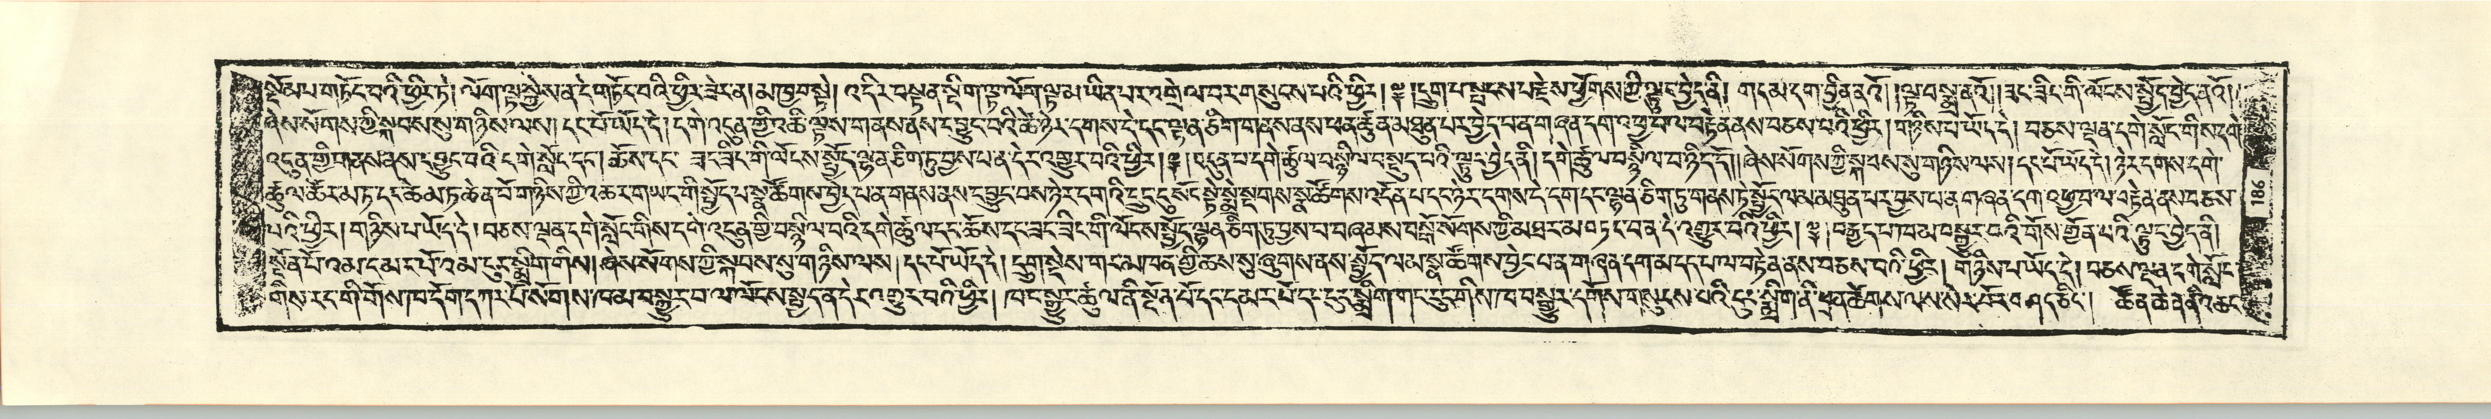སྡོམ་པ་གཏོང་བའི་ཕྱིར་ཏེ། ལོག་ལྟ་སྐྱེས་ན་དེ་གཏོང་བའི་ཕྱིར་ཟེར་ན། མ་ཁྱབ་སྟེ། འདིར་བསྟན་སྡིག་ལྟ་ལོག་ལྟ་མ་ཡིན་པར་འགྲེལ་བར་གསུངས་པའི་ཕྱིར། ༈ །དྲུག་པ་སྤངས་པ་རྗེས་ཕྱོགས་ཀྱི་ལྟུང་བྱེད་ནི། གདམ་ངག་བྱིན་ནའོ། །ལྟ་བསྨྲ་ནའོ། །ཟང་ཟིང་གི་ལོངས་སྤྱོད་བྱེད་ནའོ། །
ཞེས་སོགས་ཀྱི་སྐབས་སུ་གཉིས་ལས། དང་པོ་ཡོད་དེ། དགེ་འདུན་གྱི་འཆི་ལྟས་གནས་ནས་དབྱུང་བའི་ཚེ་ཉེར་དགས་དེ་དང་ལྷན་ཅིག་གནས་ནས་ཕན་ཚུན་མཐུན་པར་བྱེད་པ་ན་གཞན་དག་འཕྱ་བ་ལ་བརྟེན་ནས་བཅས་པའི་ཕྱིར། གཉིས་པ་ཡོད་དེ། བཅས་ལྡན་དགེ་སློང་གིས་དགེ་
འདུན་གྱི་གནས་ནས་དབྱུང་བའི་དགེ་སློང་དང་། ཆོས་དང་ཟང་ཟིང་གི་ལོངས་སྤྱོད་ལྷན་ཅིག་ཏུ་བྱས་པ་ན་དེར་འགྱུར་པའི་ཕྱིར། ༈ །འདུན་པ་དགེ་ཚུལ་བསྙིལ་བསྡུད་པའི་ལྟུང་བྱེད་ནི། དགེ་ཚུལ་བསྙིལ་བ་ཉིད་དོ། །ཞེས་སོགས་ཀྱི་སྐབས་སུ་གཉིས་ལས། དང་པོ་ཡོད་དེ། ཉེར་དགས་དགེ་
ཚུལ་ཚོར་མ་ཏ་དང་ཆེམ་ཏ་ཆེན་པོ་གཉིས་ཀྱི་འཆར་གཡང་གི་སྤྱོད་པ་སྣ་ཚོགས་བྱེད་པ་ན་གནས་ནས་དབྱུང་བས་ཉེར་དགའི་དྲུང་དུ་སོང་སྟེ་སྨྲེ་སྔགས་སྣ་ཚོགས་འདོན་པ་དང་ཉེར་དགས་དེ་དག་དང་ལྷན་ཅིག་ཏུ་གནས་ཏེ་སྤྱོད་ལམ་མཐུན་པར་བྱས་པ་ན་གཞན་དག་འཕྱ་བ་ལ་བརྟེན་ནས་བཅས་
པའི་ཕྱིར། གཉིས་པ་ཡོད་དེ། བཅས་ལྡན་དགེ་སློང་གིས་དགེ་འདུན་གྱི་བསྙིལ་བའི་དགེ་ཚུལ་དང་ཆོས་དང་ཟང་ཟིང་གི་ལོངས་སྤྱོད་ལྷན་ཅིག་ཏུ་བྱས་པ་བཞམས་བསྒོ་སོགས་ཀྱི་མཐར་མ་བཏང་བ་ན་དེ་འགྱུར་བའི་ཕྱིར། ༈ །བརྒྱད་པ་ཁམ་བསྒྱུར་བའི་གོས་གྱོན་པའི་ལྟུང་བྱེད་ནི།
སྔོན་པོ་འམ་དམར་པོ་འམ་ངུར་སྨྲིག་གིས། ཞེས་སོགས་ཀྱི་སྐབས་སུ་གཉིས་ལས། དང་པོ་ཡོད་དེ། དྲུག་སྡེས་གར་མཁན་གྱི་ཆས་སུ་ཞུགས་ནས་སྤྱོད་ལམ་སྣ་ཚོགས་བྱེད་པ་ན་གཞན་དག་མ་དད་པ་ལ་བརྟེན་ནས་བཅས་པའི་ཕྱིར། གཉིས་པ་ཡོད་དེ། བཅས་ལྡན་དགེ་སློང་
གིས་རང་གི་གོས་ཁ་དོག་དཀར་པོ་སོགས་ཁམ་བསྒྱུར་བ་ལ་ལོངས་སྤྱད་ན་དེར་འགྱུར་པའི་ཕྱིར། ཁང་སྒྱུར་ཚུལ་ནི་སྔོན་པོ་དང་དམར་པོ་དང་ངུར་སྨིག་གང་རུང་གིས་ཁ་བསྒྱུར་དགོས་གསུངས་པའི་ངུར་སྨིག་ནི་ཕྲན་ཚོགས་ལས་སེར་པོར་བཤད་ཅིང་། ཚོན་ཆེན་ནི་འཆང་